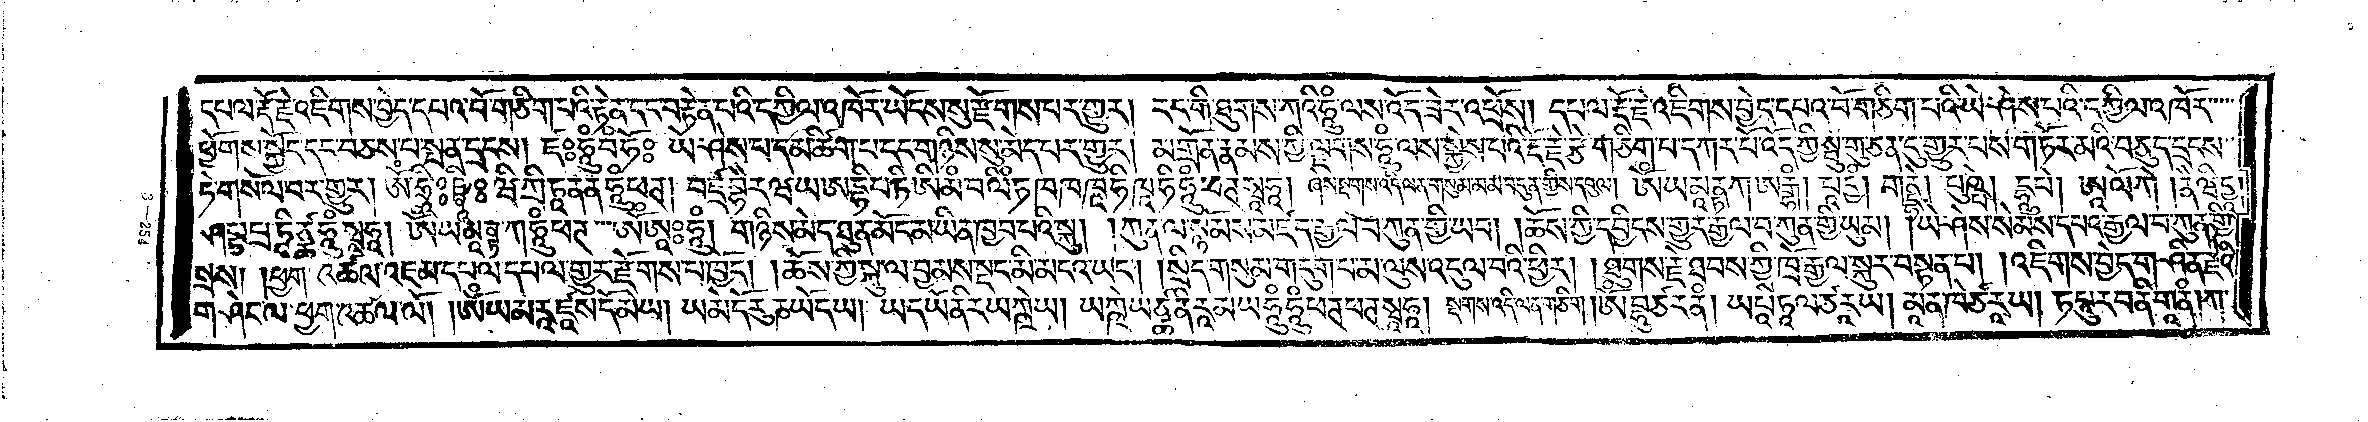དཔལ་རྡོ་རྗེ་འཇིགས་བྱེད་དཔའ་བོ་གཅིག་པའི་རྟེན་དང་བརྟེན་པའི་དཀྱིལ་འཁོར་ཡོངས་སུ་རྫོགས་པར་གྱུར། རང་གི་ཐུགས་ཀའི་ཧཱུཾ་ལས་འོད་ཟེར་འཕྲོས། དཔལ་རྡོ་རྗེ་འཇིགས་བྱེད་དཔའ་བོ་གཅིག་པའི་ཡེ་ཤེས་པའི་དཀྱིལ་འཁོར་
ཕྱོགས་བསྐྱོང་དང་བཅས་པ་སྤན་དྲངས། ཛཿཧཱུཾ་བཾ་ཧོཿ ཡེ་ཤེས་པ་དམ་ཚིག་པ་དང་གཉིས་སུ་མེད་པར་གྱུར། མགྲོན་རྣམས་ཀྱི་ལྗགས་ཧཱུཾ་ལས་སྐྱེས་པའི་རྡོ་རྗེ་རྩེ་གཅིག་པ་དཀར་པོ་འོད་ཀྱི་སྦུ་གུ་ཅན་དུ་གྱུར་པས་གཏོར་མའི་བཅུད་དྲངས་
ཏེ་གསོལ་བར་གྱུར། ཨོཾ་ཧྲཱིཿཥྚྲཱིཿཝི་ཀྲི་ཏཱ་ནན་ཧཱུཾ་ཕཌ། བཛྲ་བྷཻར་ཝ་ཡ་ཨདྷི་པ་ཏི་ཨི་མཾ་བ་ལིཾ་ཏ་ཁ་ཁཱ་ཧི་ཁཱ་ཧི་ཧཱུཾ་ཕཌ་སྭཱཧཱ། ཞེས་སྔགས་འདི་ལན་གསུམ་མམ་བདུན་གྱིས་དབུལ།  ཨོཾ་ཡ་མཱནྟ་ཀ་ཡརྒྷཾ། པཱ་དྱཾ། གྷནྡེ། པུཥྤེ་དྷཱུ་པེ། ཨཱ་ལོ་ཀེ། །ནཻ་ཝི་དྱཱ་
ཤཔྟ་པྲ་ཏཱིཙྪ་ཧཱུཾ་སྭཱཧཱ། ཨོཾ་ཡ་མཱནྟ་ཀ་ཧཱུཾ་ཕཌ་ཨོཾ་ཨཱཿཧཱུཾ། གཉིས་མེད་ཐུན་མོང་མ་ཡིན་ཁྱབ་པའི་སྐུ། །ཀུན་ལ་སྙོམས་མཛད་རྒྱལ་བ་ཀུན་གྱི་ཡབ། །ཆོས་ཀྱི་དབྱིངས་གྱུར་རྒྱལ་བ་ཀུན་གྱི་ཡུམ། །ཡེ་ཤེས་སེམས་དཔའི་རྒྱལ་བ་ཀུན་གྱི་
སྲས། །ཕྱག་འཚལ་འཇམ་དཔལ་དཔལ་འགྱུར་རྫོགས་པ་ཁྱོད། །ཆོས་ཀྱི་སྐུ་ལ་བྱམས་སྡང་མི་མངའ་ཡང་། །སྲིད་གསུམ་གདུག་པ་མ་ལུས་འདུལ་བའི་ཕྱིར། །ཐུགས་རྗེ་ཐབས་ཀྱིས་ཁྲོ་རྒྱལ་སྐུར་བསྟན་པ། །འཇིགས་བྱེད་གཤིན་རྗེའི་
གཤེད་ལ་ཕྱག་འཚལ་ལོ། །ཨོཾ་ཡ་མརཱ་ཛཱ་ས་དོ་མེ་ཡ། ཨ་མེ་དོ་རུ་ཎ་ཡོད་ཡ། ཡད་ཡོ་ནི་ར་ཡཀྵེ་ཡ། ཡཀྵེ་ཡཙྪ་ནི་རཱ་མ་ཡ་ཧཱུཾ་ཧཱུཾ་ཕཌ་ཕཌ་སྭཱཧཱ། སྔགས་འདི་ལན་གཅིག་ཨོཾ་བྷུ་ཙར་ནཾ། ཡ་པཱི་ཏཱ་ལ་ཙ་རཱ་ཡ། མཱ་ན་ཁེ་ཙ་རཱ་ཡ། ཏ་པཱུར་བ་ནི་གཱ་ནཾ། ཀ་